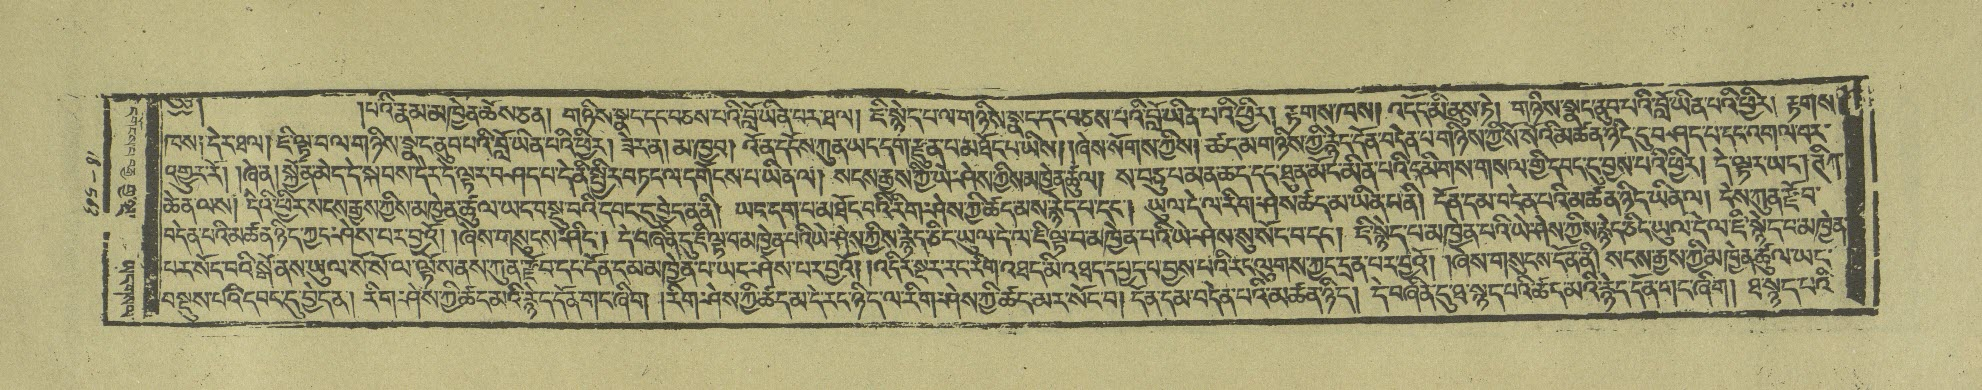༄༅། །པའི་རྣམ་མཁྱེན་ཆོས་ཅན། གཉིས་སྣང་དང་བཅས་པའི་བློ་ཡིན་པར་ཐལ། ཇི་སྙེད་པ་ལ་གཉིས་སྣང་དང་བཅས་པའི་བློ་ཡིན་པའི་ཕྱིར། རྟགས་ཁས། འདོད་མི་ནུས་ཏེ། གཉིས་སྣང་ནུབ་པའི་བློ་ཡིན་པའི་ཕྱིར། རྟགས་
ཁས། དེར་ཐལ། ཇི་ལྟ་བ་ལ་གཉིས་སྣང་ནུབ་པའི་བློ་ཡིན་པའི་ཕྱིར་ཟེར་ན། མ་ཁྱབ། འོ་ན་དངོས་ཀུན་ཡང་དག་རྫུན་པ་མཐོང་བ་ཡིན། །ཞེས་སོགས་ཀྱིས། ཚད་མ་གཉིས་ཀྱི་རྙེད་དོན་བདེན་པ་གཉིས་ཀྱི་སོ་སོའི་མཚན་ཉིད་དུ་བཤད་པ་དང་། འགལ་བར་
འགྱུར་རོ། །ཞེ་ན། སྐྱོན་མེད་དེ་སྐབས་དེར་དེ་ལྟར་བཤད་པ་དེ་ནི་སྤྱིར་བཏང་ལ་དགོངས་པ་ཡིན་ལ། སངས་རྒྱས་ཀྱི་ཡེ་ཤེས་ཀྱིས་མཁྱེན་ཚུལ། ས་བཅུ་པ་མན་ཆད་དང་ཐུན་མོང་མིན་པའི་དམིགས་གསལ་གྱི་དབང་དུ་བྱས་པའི་ཕྱིར། དེ་ལྟར་ཡང་། ཊིཀ་
ཆེན་ལས། དེའི་ཕྱིར་སངས་རྒྱས་ཀྱིས་མཁྱེན་ཚུལ་ཡང་བསྡུ་བའི་དབང་དུ་བྱེད་ན་ནི། ཡང་དག་པ་མཐོང་བའི་རིག་ཤེས་ཀྱི་ཚད་མས་རྙེད་པ་དང་། ཡུལ་དེ་ལ་རིག་ཤེས་ཚད་མ་ཡིན་པ་ནི། དོན་དམ་བདེན་པའི་མཚན་ཉིད་ཡིན་ལ། དེས་ཀུན་རྫོབ་
བདེན་པའི་མཚན་ཉིད་ཀྱང་ཤེས་པར་བྱའོ། །ཞེས་གསུངས་ཤིང་། དེ་བཞིན་དུ་ཇི་ལྟ་བ་མཁྱེན་པའི་ཡེ་ཤེས་ཀྱིས་རྙེད་ཅིང་ཡུལ་དེ་ལ་ཇི་ལྟ་བ་མཁྱེན་པའི་ཡེ་ཤེས་སུ་སོང་བ་དང་། ཇི་སྙེད་པ་མཁྱེན་པའི་ཡེ་ཤེས་ཀྱིས་རྙེད་ཅིང་ཡུལ་དེ་ལ་ཇི་སྙེད་པ་མཁྱེན་
པར་སོང་བའི་སྒོ་ནས་ཡུལ་སོ་སོ་ལ་ལྟོས་ནས་ཀུན་རྫོབ་དང་དོན་དམ་མཁྱེན་པ་ཡང་ཤེས་པར་བྱའོ། །འདིར་སྔར་རང་རིག་འཐད་མི་ཏྰྠད་དཔྱད་པ་བྱས་པའི་རང་ལུགས་ཀྱང་དྲན་པར་བྱའོ། །ཞེས་གསུངས་དོན་ནི། སངས་རྒྱས་ཀྱི་མཁྱེན་ཚུལ་ཡང་
བསྡུས་པའི་དབང་དུ་བྱེད་ན། རིག་ཤེས་ཀྱི་ཆད་མའི་རྙེད་དོན་གང་ཞིག །རིག་ཤེས་ཀྱི་ཚད་མ་དེ་རང་ཉིད་ལ་རིག་ཤེས་ཀྱི ༣ཚད་མར་སོང་བ། དོན་དམ་བདེན་པའི་མཚན་ཉིད། དེ་བཞིན་དུ་ཐ་སྙད་པའི་ཚད་མའི་རྙེད་དོན་གང་ཞིག །ཐ་སྙད་པའ་